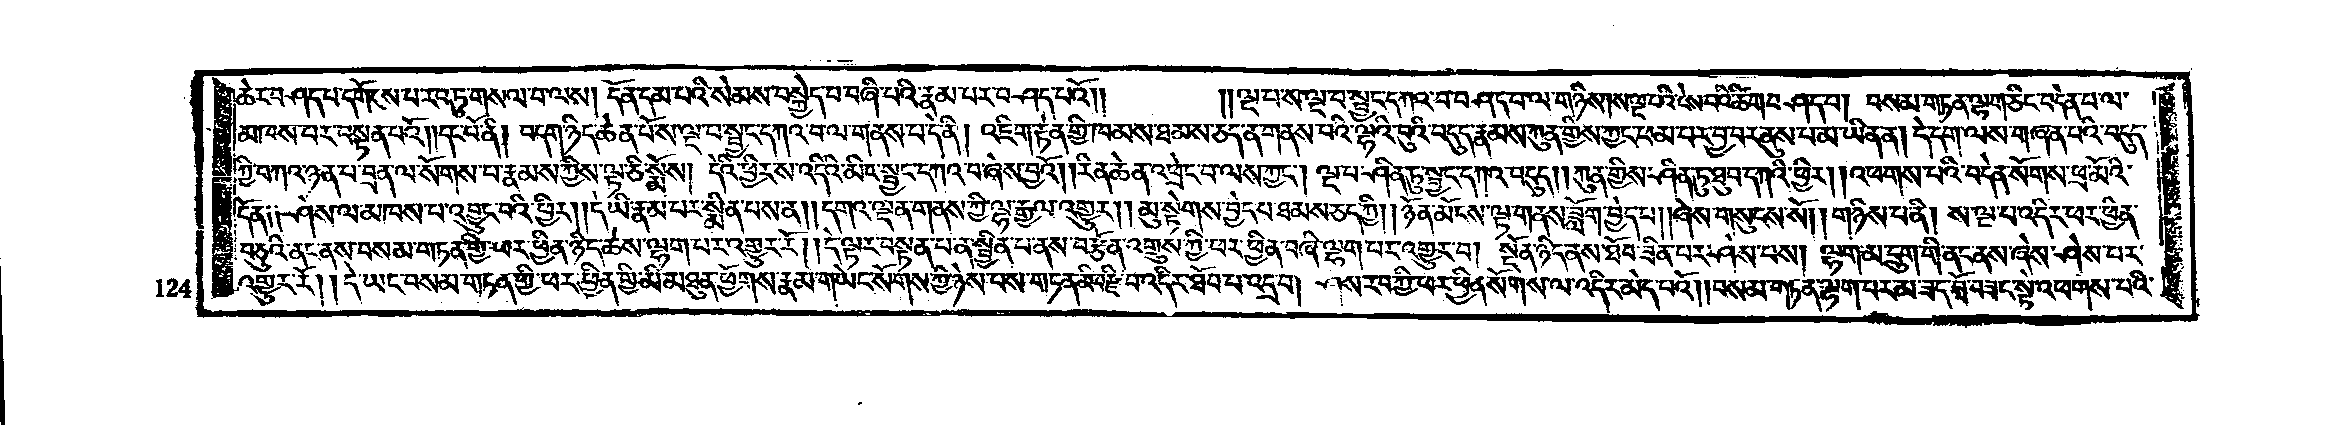ཆེར་བཤད་པ་དགོངས་པ་རབ་ཏུ་གསལ་བ་ལས། དོན་དམ་པའི་སེམས་བསྐྱེད་པ་བཞི་པའི་རྣམ་པར་བཤད་པའོ།། ༈ །།ལྔ་པ་ས་ལྔ་པ། སྦྱང་དཀའ་བ་བཤད་པ་ལ་གཉིས། ས་ལྔ་པའི་ངེས་པའི་ཚིག་བཤད་པ། བསམ་གཏན་ལྷག་ཅིང་བདེན་པ་ལ་
མཁས་པར་བསྟན་པའོ། །དང་པོ་ནི། བདག་ཉིད་ཆེན་པོ་ས་ལྔ་པ་སྦྱང་དཀའ་བ་ལ་གནས་པ་དེ་ནི། འཇིག་རྟེན་གྱི་ཁམས་ཐམས་ཅད་ན་གནས་པའི་ལྷའི་བུའི་བདུད་རྣམས་ཀུན་གྱིས་ཀྱང་ཕམ་པར་བྱ་བར་ནུས་པ་མ་ཡིན་ན། དེ་དག་ལས་གཞན་པའི་བདུད་
ཀྱི་བཀའ་ཉན་པ་བྲན་ལ་སོགས་པ་རྣམས་ཀྱིས་ལྟ་ཅི་སྨོས། དེའི་ཕྱིར་ས་འདིའི་མིང་སྦྱང་དཀའ་བ་ཞེས་བྱའོ། །རིན་ཆེན་འཕྲེང་བ་ལས་ཀྱང་། ལྔ་པ་ཤིན་ཏུ་སྦྱང་དཀའ་བདུད། །ཀུན་གྱིས་ཤིན་ཏུ་ཐུབ་དཀའི་ཕྱིར། །འཕགས་པའི་བདེན་སོགས་ཕྲ་མོའི་
དོན། །ཤེས་ལ་མཁས་པ་འབྱུང་བའི་ཕྱིར། །དེ་ཡི་རྣམ་པར་སྨིན་པས་ན། །དགའ་ལྡན་གནས་ཀྱི་ལྷ་རྒྱལ་འགྱུར། །མུ་སྟེགས་བྱེད་པ་ཐམས་ཅད་ཀྱི། །ཉོན་མོངས་ལྟ་གནས་ཟློག་བྱེད་པ། །ཞེས་གསུངས་སོ། །གཉིས་པ་ནི། ས་ལྔ་པ་འདིར་ཕར་ཕྱིན་
བཅུའི་ནང་ནས་བསམ་གཏན་གྱི་ཕར་ཕྱིན་ཉིད་ཆེས་ལྷག་པར་འགྱུར་རོ། །དེ་ལྟར་བསྟན་པ་ན་སྦྱིན་པ་ནས་བརྩོན་འགྲུས་ཀྱི་ཕར་ཕྱིན་བཞི་ལྷག་པར་འགྱུར་བ། སྔོན་ཉིད་ནས་ཐོབ་ཟིན་པར་ཤེས་པས། ལྷག་མ་དྲུག་གི་ནང་ནས་ཞེས་ཤེས་པར་
འགྱུར་རོ། །དེ་ཡང་བསམ་གཏན་གྱི་ཕར་ཕྱིན་གྱི་མི་མཐུན་ཕྱོགས་རྣམ་གཡེང་སོགས་ཀྱི་ཉེས་པས་གཏན་མི་བརྫི་བ་འདིར་ཐོབ་པ་འདྲ་བ། ཤེས་རབ་ཀྱི་ཕར་ཕྱིན་སོགས་ལ་འདིར་མེད་པའོ། །བསམ་གཏན་ལྷག་པར་མ་ཟད་བློ་བཟང་སྟེ་འཕགས་པའི་